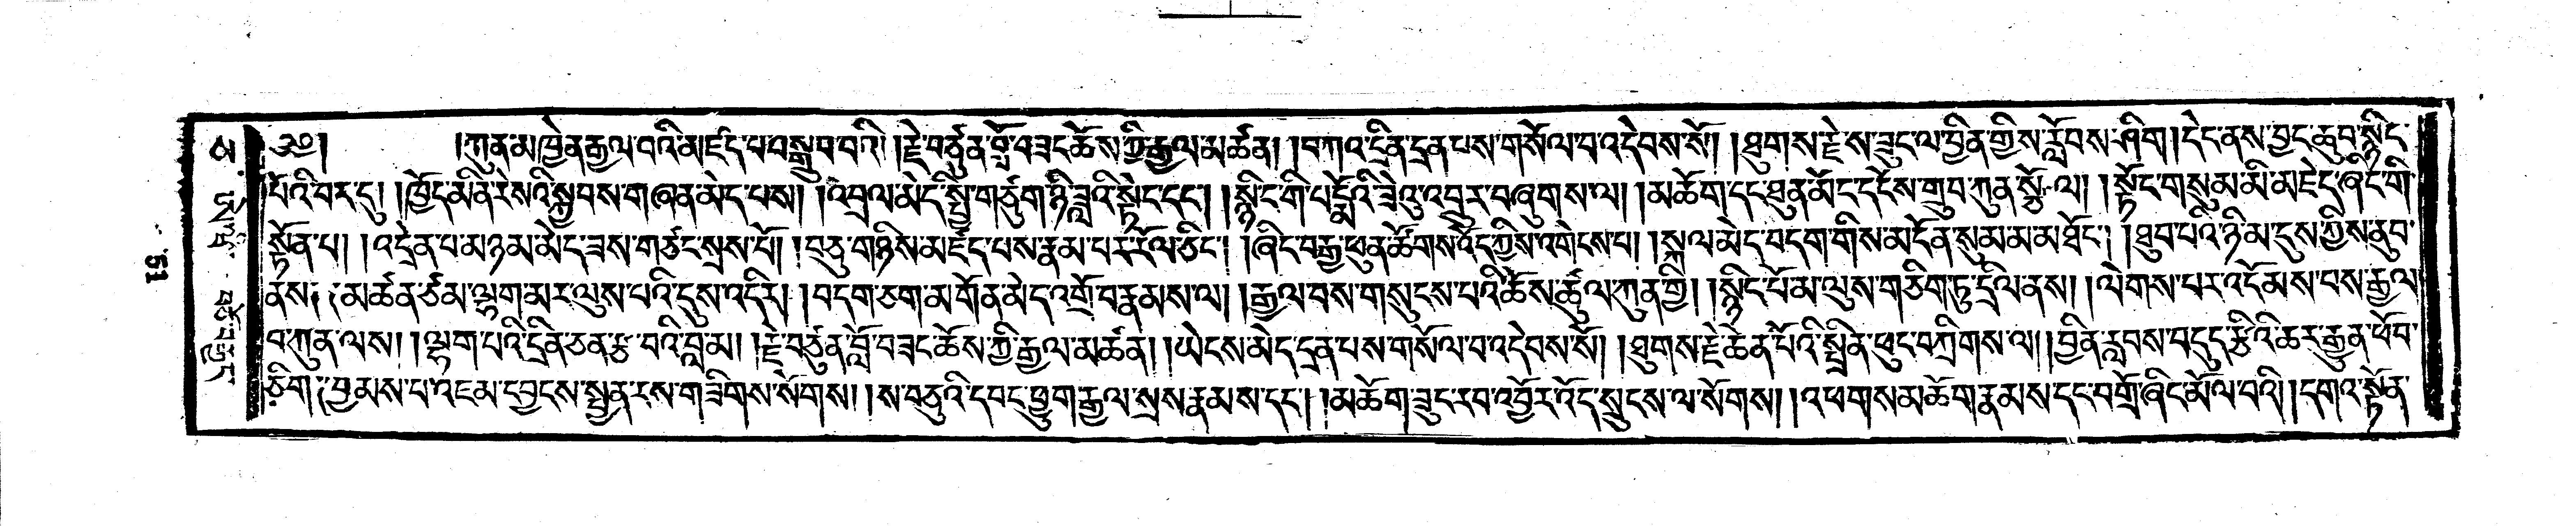༄༅། །ཀུན་མཁྱེན་རྒྱལ་བའི་མཛད་པ་བསྒྲུབ་པའི། །རྗེ་བཙུན་བློ་བཟང་ཆོས་ཀྱི་རྒྱལ་མཚན། །བཀའ་དྲིན་དྲན་པས་གསོལ་བ་འདེབས་སོ། །ཐུགས་རྗེས་ཟུང་ལ་བྱིན་གྱིས་རློབས་ཤིག །དེང་ནས་བྱང་ཆུབ་སྙིང་
པོའི་བར་དུ། །ཁྱོད་མིན་རེ་སའི་སྐྱབས་གཞན་མེད་པས། །འབྲལ་མེད་སྤྱི་གཙུག་ཉི་ཟླའི་སྟེང་དང་། །སྙིང་གི་པདམོའི་ཟེའུ་འབྲུར་བཞུགས་ལ། །མཆོག་དང་ཐུན་མོང་དངོས་གྲུབ་ཀུན་སྩོལ། །སྟོང་གསུམ་མི་མཇེད་ཞིང་གི་
སྟོན་པ། །འདྲེན་པ་མཉམ་མེད་ཟས་གཙང་སྲས་པོ། །བཅུ་གཉིས་མཛད་པས་རྣམ་པར་རོལ་ཅིང་། །ཞིང་བརྒྱ་ཕུན་ཚོགས་འོད་ཀྱིས་འགེངས་པ། །སྐལ་མེད་བདག་གིས་མངོན་སུམ་མ་མཐོང་། །ཐུབ་པའི་ཉི་མ་དུས་ཀྱིས་ནུབ་
ནས། །མཚན་ཙམ་ལྷག་མར་ལུས་པའི་དུས་འདིར། །བདག་ཅག་མགོན་མེད་འགྲོ་བ་རྣམས་ལ། །རྒྱལ་བས་གསུངས་པའི་ཆོས་ཚུལ་ཀུན་གྱི། །སྙིང་པོ་མ་ལུས་གཅིག་ཏུ་དྲིལ་ནས། །ལེགས་པར་འདོམས་པས་རྒྱལ་
བ་ཀུན་ལས། །ལྷག་པའི་དྲིན་ཅན་རྩ་བའི་བླ་མ། །རྗེ་བཙུན་བློ་བཟང་ཆོས་ཀྱི་རྒྱལ་མཚན། །ཡེངས་མེད་དྲན་པས་གསོལ་བ་འདེབས་སོ། །ཐུགས་རྗེ་ཆེན་པོའི་སྤྲིན་ཕུང་བཀྲིགས་ལ། །བྱིན་རླབས་བདུད་རྩིའི་ཆར་རྒྱུན་ཕོབ་
ཅིག །བྱམས་པ་འཇམ་དབྱངས་སྤྱན་རས་གཟིགས་སོགས། །ས་བཅུའི་དབང་ཕྱུག་རྒྱལ་སྲས་རྣམས་དང་། །མཆོག་ཟུང་རབ་འབྱོར་འོད་སྲུངས་ལ་སོགས། །འཕགས་མཆོག་རྣམས་དང་བགྲོ་ཞིང་མོལ་བའི། །དགའ་སྟོན་